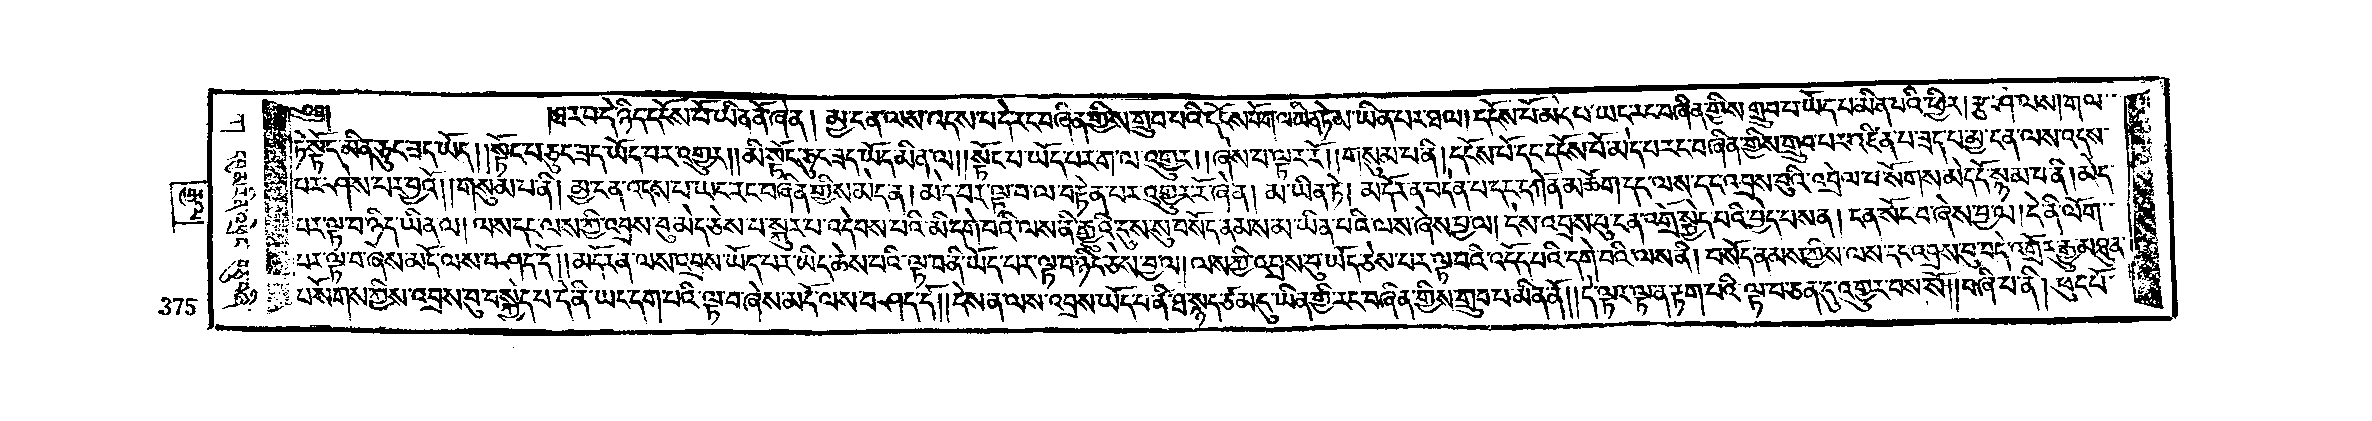༄༅། །ཐར་པ་དེ་ཉིད་དངོས་པོ་ཡིན་ནོ་ཞེ་ན། མྱ་ངན་ལས་འདས་པ་དེ་རང་བཞིན་གྱིས་གྲུབ་པའི་དངོས་པོ་ག་ལ་ཡིན་ཏེ་མ་ཡིན་པར་ཐལ། དངོས་པོ་མེད་པ་ཡང་རང་བཞིན་གྱིས་གྲུབ་པ་ཡོད་པ་མིན་པའི་ཕྱིར། རྩ་ཤེས་ལས། གལ་
ཏེ་སྟོང་མིན་ཅུང་ཟད་ཡོད། །སྟོང་པ་ཅུང་ཟད་ཡོད་པར་འགྱུར། །མི་སྟོང་ཅུང་ཟད་ཡོད་མིན་ལ། སྟོང་པ་ཡོད་པར་ག་ལ་འགྱུར། །ཞེས་པ་ལྟར་རོ། །གསུམ་པ་ནི། དངོས་པོ་དང་དངོས་པོ་མེད་པ་རང་བཞིན་གྱིས་གྲུབ་པར་འཛིན་པ་ཟད་པ་མྱ་ངན་ལས་འདས་
པར་ཤེས་པར་བྱའོ། །གསུམ་པ་ནི། མྱ་ངན་འདས་པ་ཡང་རང་བཞིན་གྱིས་མེད་ན། མེད་པར་ལྟ་བ་ལ་བརྟེན་པར་འགྱུར་རོ་ཞེ་ན། མ་ཡིན་ཏེ། མདོར་ན་བདེན་པ་དང་དཀོན་མཆོག་དང་ལས་དང་འབྲས་བུའི་འབྲེལ་པ་སོགས་མེད་དོ་སྙམ་པ་ནི། མེད་
པར་ལྟ་བ་ཉིད་ཡིན་ལ། ལས་དང་ལས་ཀྱི་འབྲས་བུ་མེད་ཅེས་པ་སྐུར་བ་འདེབས་པའི་མི་དགེ་བའི་ལས་ནི་རྒྱུའི་དུས་སུ་བསོད་ནམས་མ་ཡིན་པའི་ལས་ཞེས་བྱ་ལ། དེས་འབྲས་བུ་ངན་འགྲོ་སྐྱེད་པའི་བྱེད་པས་ན། ངན་སོང་བ་ཞེས་བྱ་ལ། དེ་ནི་ལོག་
པར་ལྟ་བ་ཞེས་མདོ་ལས་བཤད་དོ། །མདོར་ན་ལས་འབྲས་ཡོད་པར་ཡིད་ཆེས་པའི་ལྟ་བ་ནི་ཡོད་པར་ལྟ་བ་ཉིད་ཅེས་བྱ་ལ། ལས་ཀྱི་འབྲས་བུ་ཡོད་ཅེས་པར་ལྟ་བའི་འདོད་པའི་དགེ་བའི་ལས་ནི། བསོད་ནམས་ཀྱིས་ལས་དང་འབྲས་བུ་བདེ་འགྲོར་རྒྱུ་མཐུན་
པ་སོགས་ཀྱིས་འབྲས་བུ་བསྐྱེད་པ་དེ་ནི་ཡང་དག་པའི་ལྟ་བ་ཞེས་མདོ་ལས་བཤད་དོ། །དེས་ན་ལས་འབྲས་ཡོད་པ་ནི་ཐ་སྙད་ཙམ་དུ་ཡིན་གྱི་རང་བཞིན་གྱིས་གྲུབ་པ་མིན་ནོ། །དེ་ལྟར་ལྟ་ན་རྟག་པའི་ལྟ་བ་ཅན་དུ་འགྱུར་བས་སོ། །བཞི་པ་ནི། ཕུང་པོ་